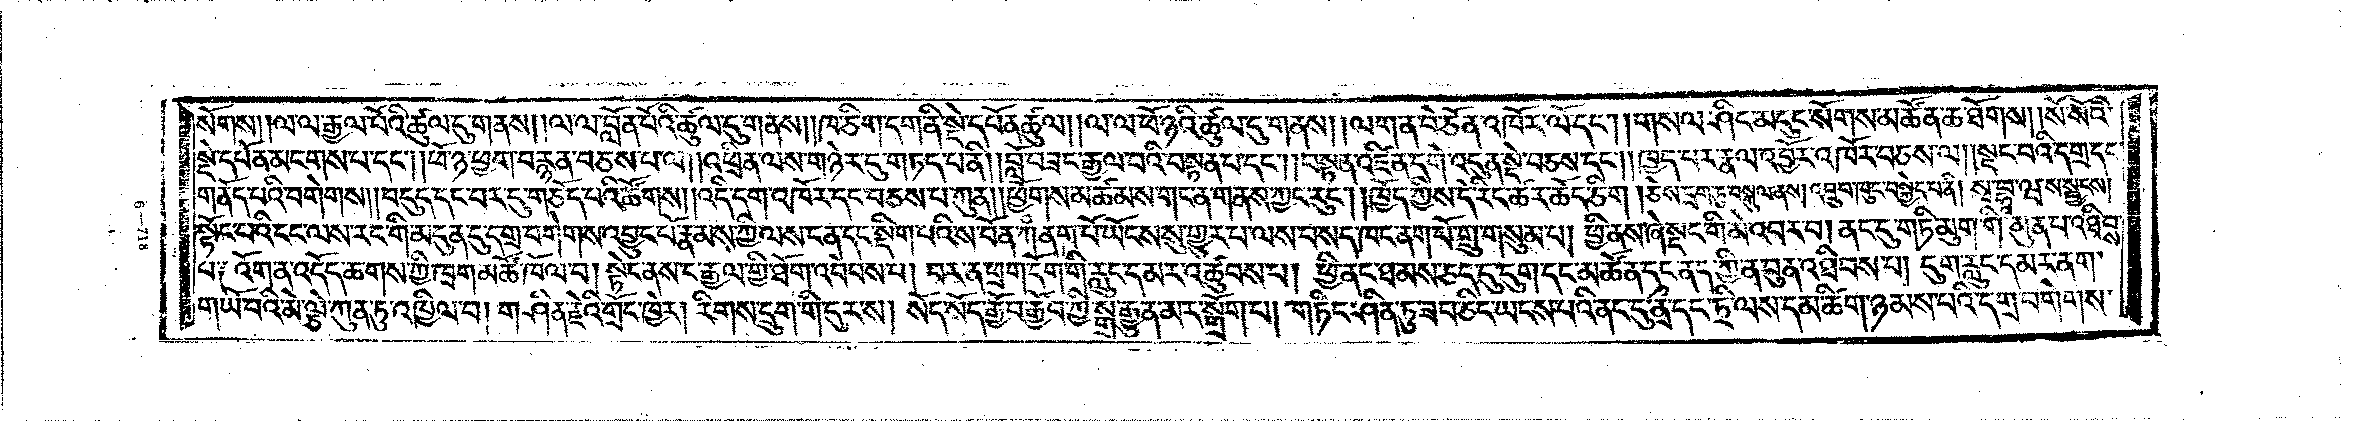སོགས། །ལ་ལ་རྒྱལ་པོའི་ཚུལ་དུ་གནས། །ལ་ལ་བློན་པོའི་ཚུལ་དུ་གནས། །ཁ་ཅིག་དག་ནི་སྡེ་དཔོན་ཚུལ། །ལ་ལ་ཕོ་ཉའི་ཚུལ་དུ་གནས། །ལག་ན་བེ་ཅོན་འཁོར་ལོ་དང་། །གསལ་ཤིང་མདུང་སོགས་མཚོན་ཆ་ཐོགས། །སོ་སོའི་
སྡེ་དཔོན་མངགས་པ་དང་། །ཕོ་ཉ་ཕྱག་བརྙན་བཅས་པ་ལ། །འཕྲིན་ལས་གཉེར་དུ་གཏད་པ་ནི། །བློ་བཟང་རྒྱལ་བའི་བསྟན་པ་དང་། །བསྟན་འཛིན་དགེ་འདུན་སྡེ་བཅས་དང་། །ཁྱད་པར་རྣལ་འབྱོར་འཁོར་བཅས་ལ། །སྡང་བའི་དགྲ་དང་
གནོད་པའི་བགེགས། །བདུད་དང་བར་དུ་གཅོད་པའི་ཚོགས། །འདི་དག་འཁོར་དང་བཅས་པ་ཀུན། །ཕྱོགས་མཚམས་གང་ན་གནས་ཀྱང་རུང་། །ཁྱོད་ཀྱིས་དེ་རིང་ཚར་ཆོད་ཅིག་།ཅེས་དྲག་ཏུ་བསྐུལ་ནས། འབྲུབ་ཁུང་བསྐྱེད་པ་ནི།  སྭ་བྷཱ་ཝས་སྦྱངས།
སྟོང་པའི་ངང་ལས་རང་གི་མདུན་དུ་དགྲ་བགེགས་འབྱུང་པོ་རྣམས་ཀྱི་ལས་ངན་དང་སྡིག་པའི་ས་བོན་ཀཾ་ནག་པོ་ཡོངས་སུ་གྱུར་པ་ལས་བསད་ཁང་ནག་པོ་གྲུ་གསུམ་པ། ཕྱི་ནས་ཞེ་སྡང་གི་མེ་འབར་བ། ནང་དུ་གཏི་མུག་གི་མུན་པ་འཐིབས་
པ༑ འོག་ན་འདོད་ཆགས་ཀྱི་ཁྲག་མཚོ་ཁོལ་བ། སྟེང་ནས་ང་རྒྱལ་གྱི་ཐོག་འབེབས་པ། བར་ན་ཕྲག་དོག་གི་རླུང་དམར་འཚུབས་པ། ཕྱི་ནང་ཐམས་ཅད་དུ་དུག་དང་མཚོན་དང་ནད་ཀྱི་ན་བུན་འཐིབས་པ། དུག་རླུང་དམར་ནག་
གཡོ་བའི་མེ་ལྕེ་ཀུན་ཏུ་འཁྱིལ་བ། གཤིན་རྗེའི་གྲོང་ཁྱེར། རིགས་དྲུག་གི་དུར་ས། སོད་སོད་རྒྱོབ་རྒྱོབ་གྱི་སྒྲ་རྒྱུན་མར་སྒྲོག་པ། གཏིང་ཤིན་ཏུ་ཟབ་ཅིང་ཡངས་པའི་ནང་དུ་ནྲྀ་དང་ཏྲི་ལས་དམ་ཚིག་ཉམས་པའི་དགྲ་བགེགས་